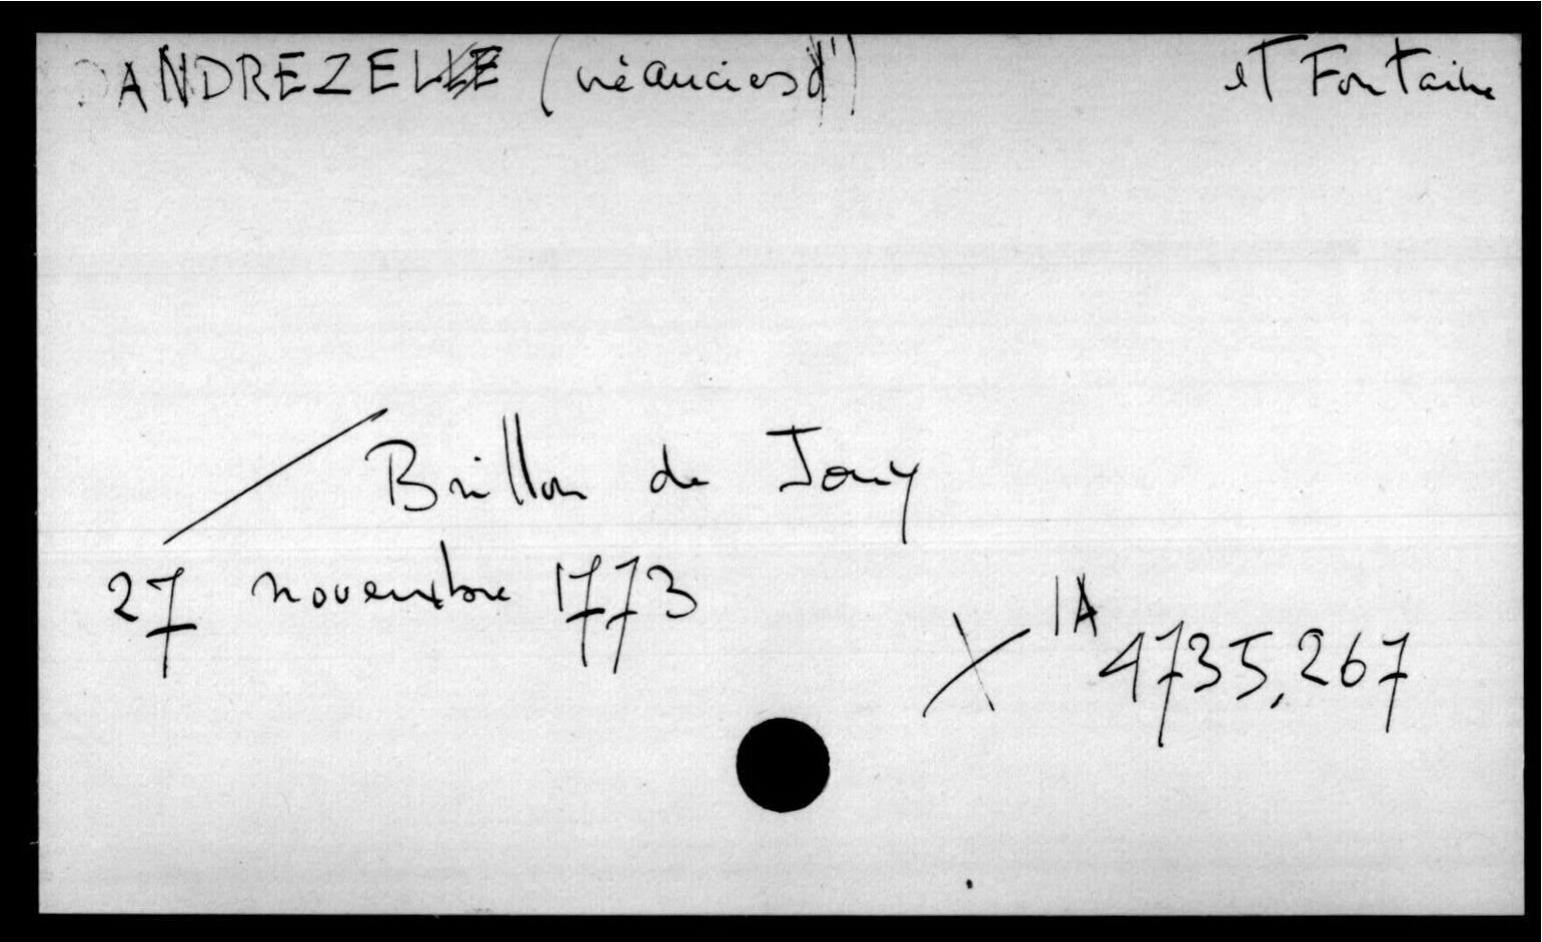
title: ANDREZEL (créanciers d')
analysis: Contre Brillon de Jauy
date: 27 novembre 1773
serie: X1A
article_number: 4735
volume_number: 267
